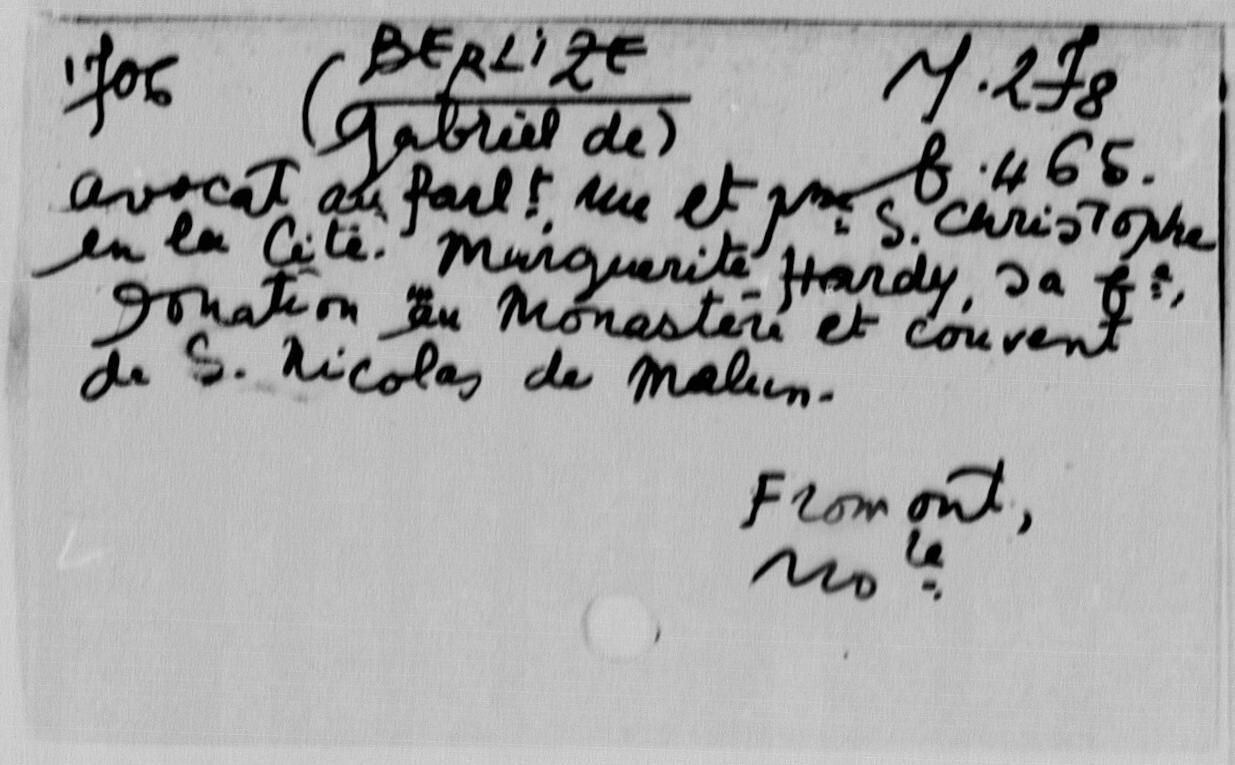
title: BERLIZE (Gabriel de)
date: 1706
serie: Y
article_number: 278
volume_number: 465
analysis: Avocat au Parlement, rue et paroisse Saint-Christophe, en la Cité. Marguerite Hardy, sa femme, donation au Monastère et couvent de Saint-Nicolas de Melun. Fromont, notaire.
